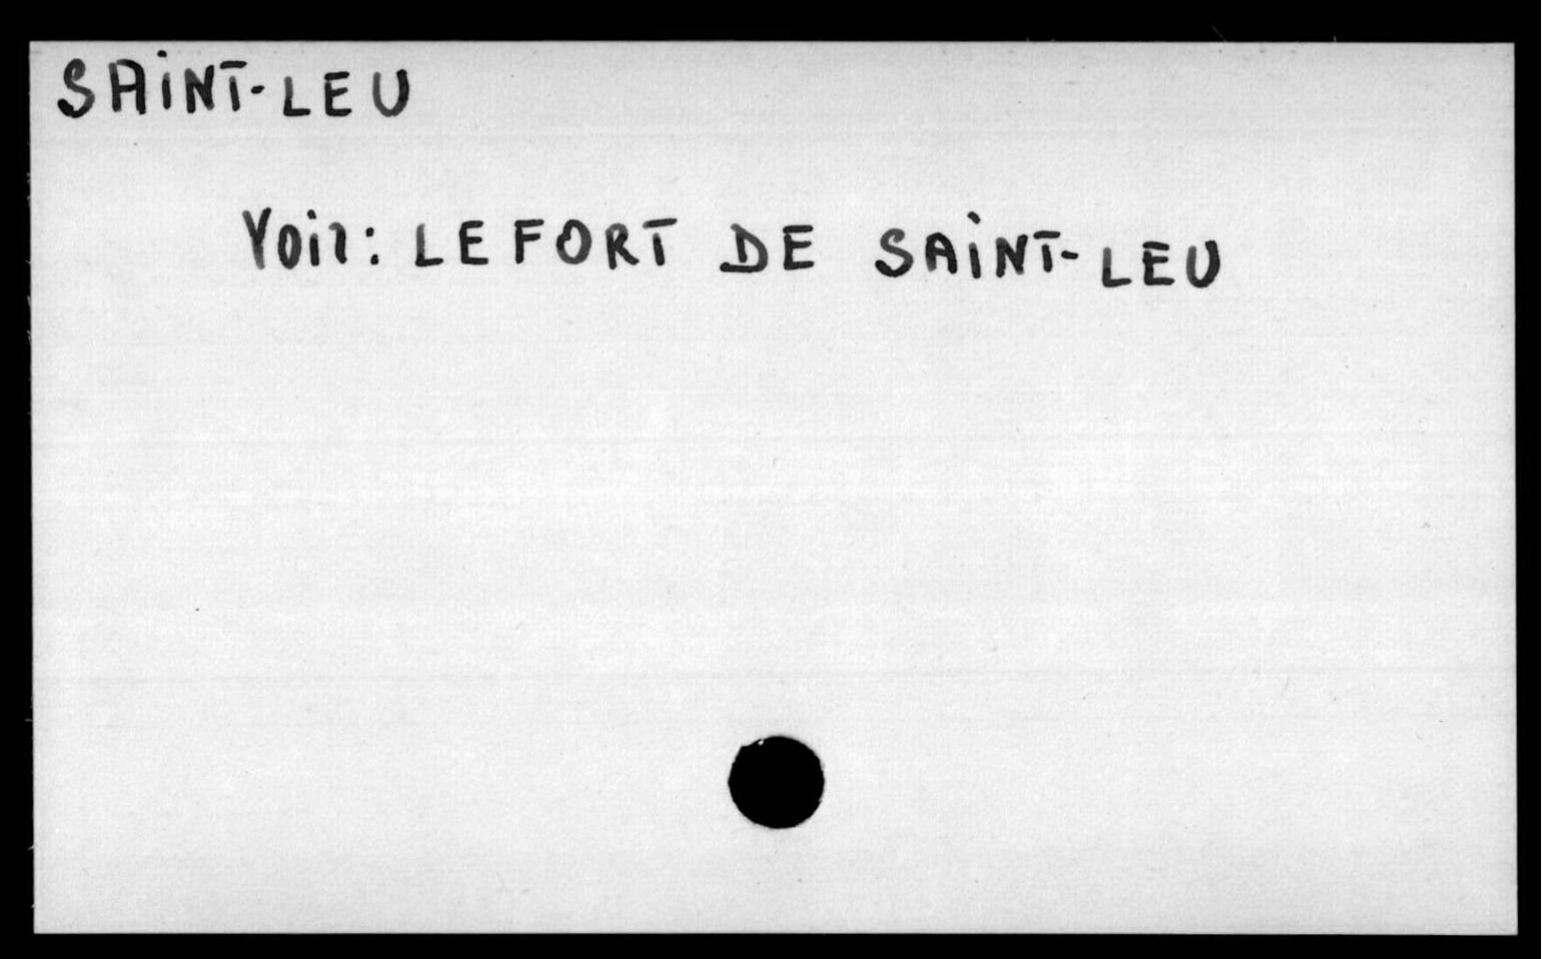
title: SAINT-LEU
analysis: Voir : LEFORT DE SAINT-LEU
